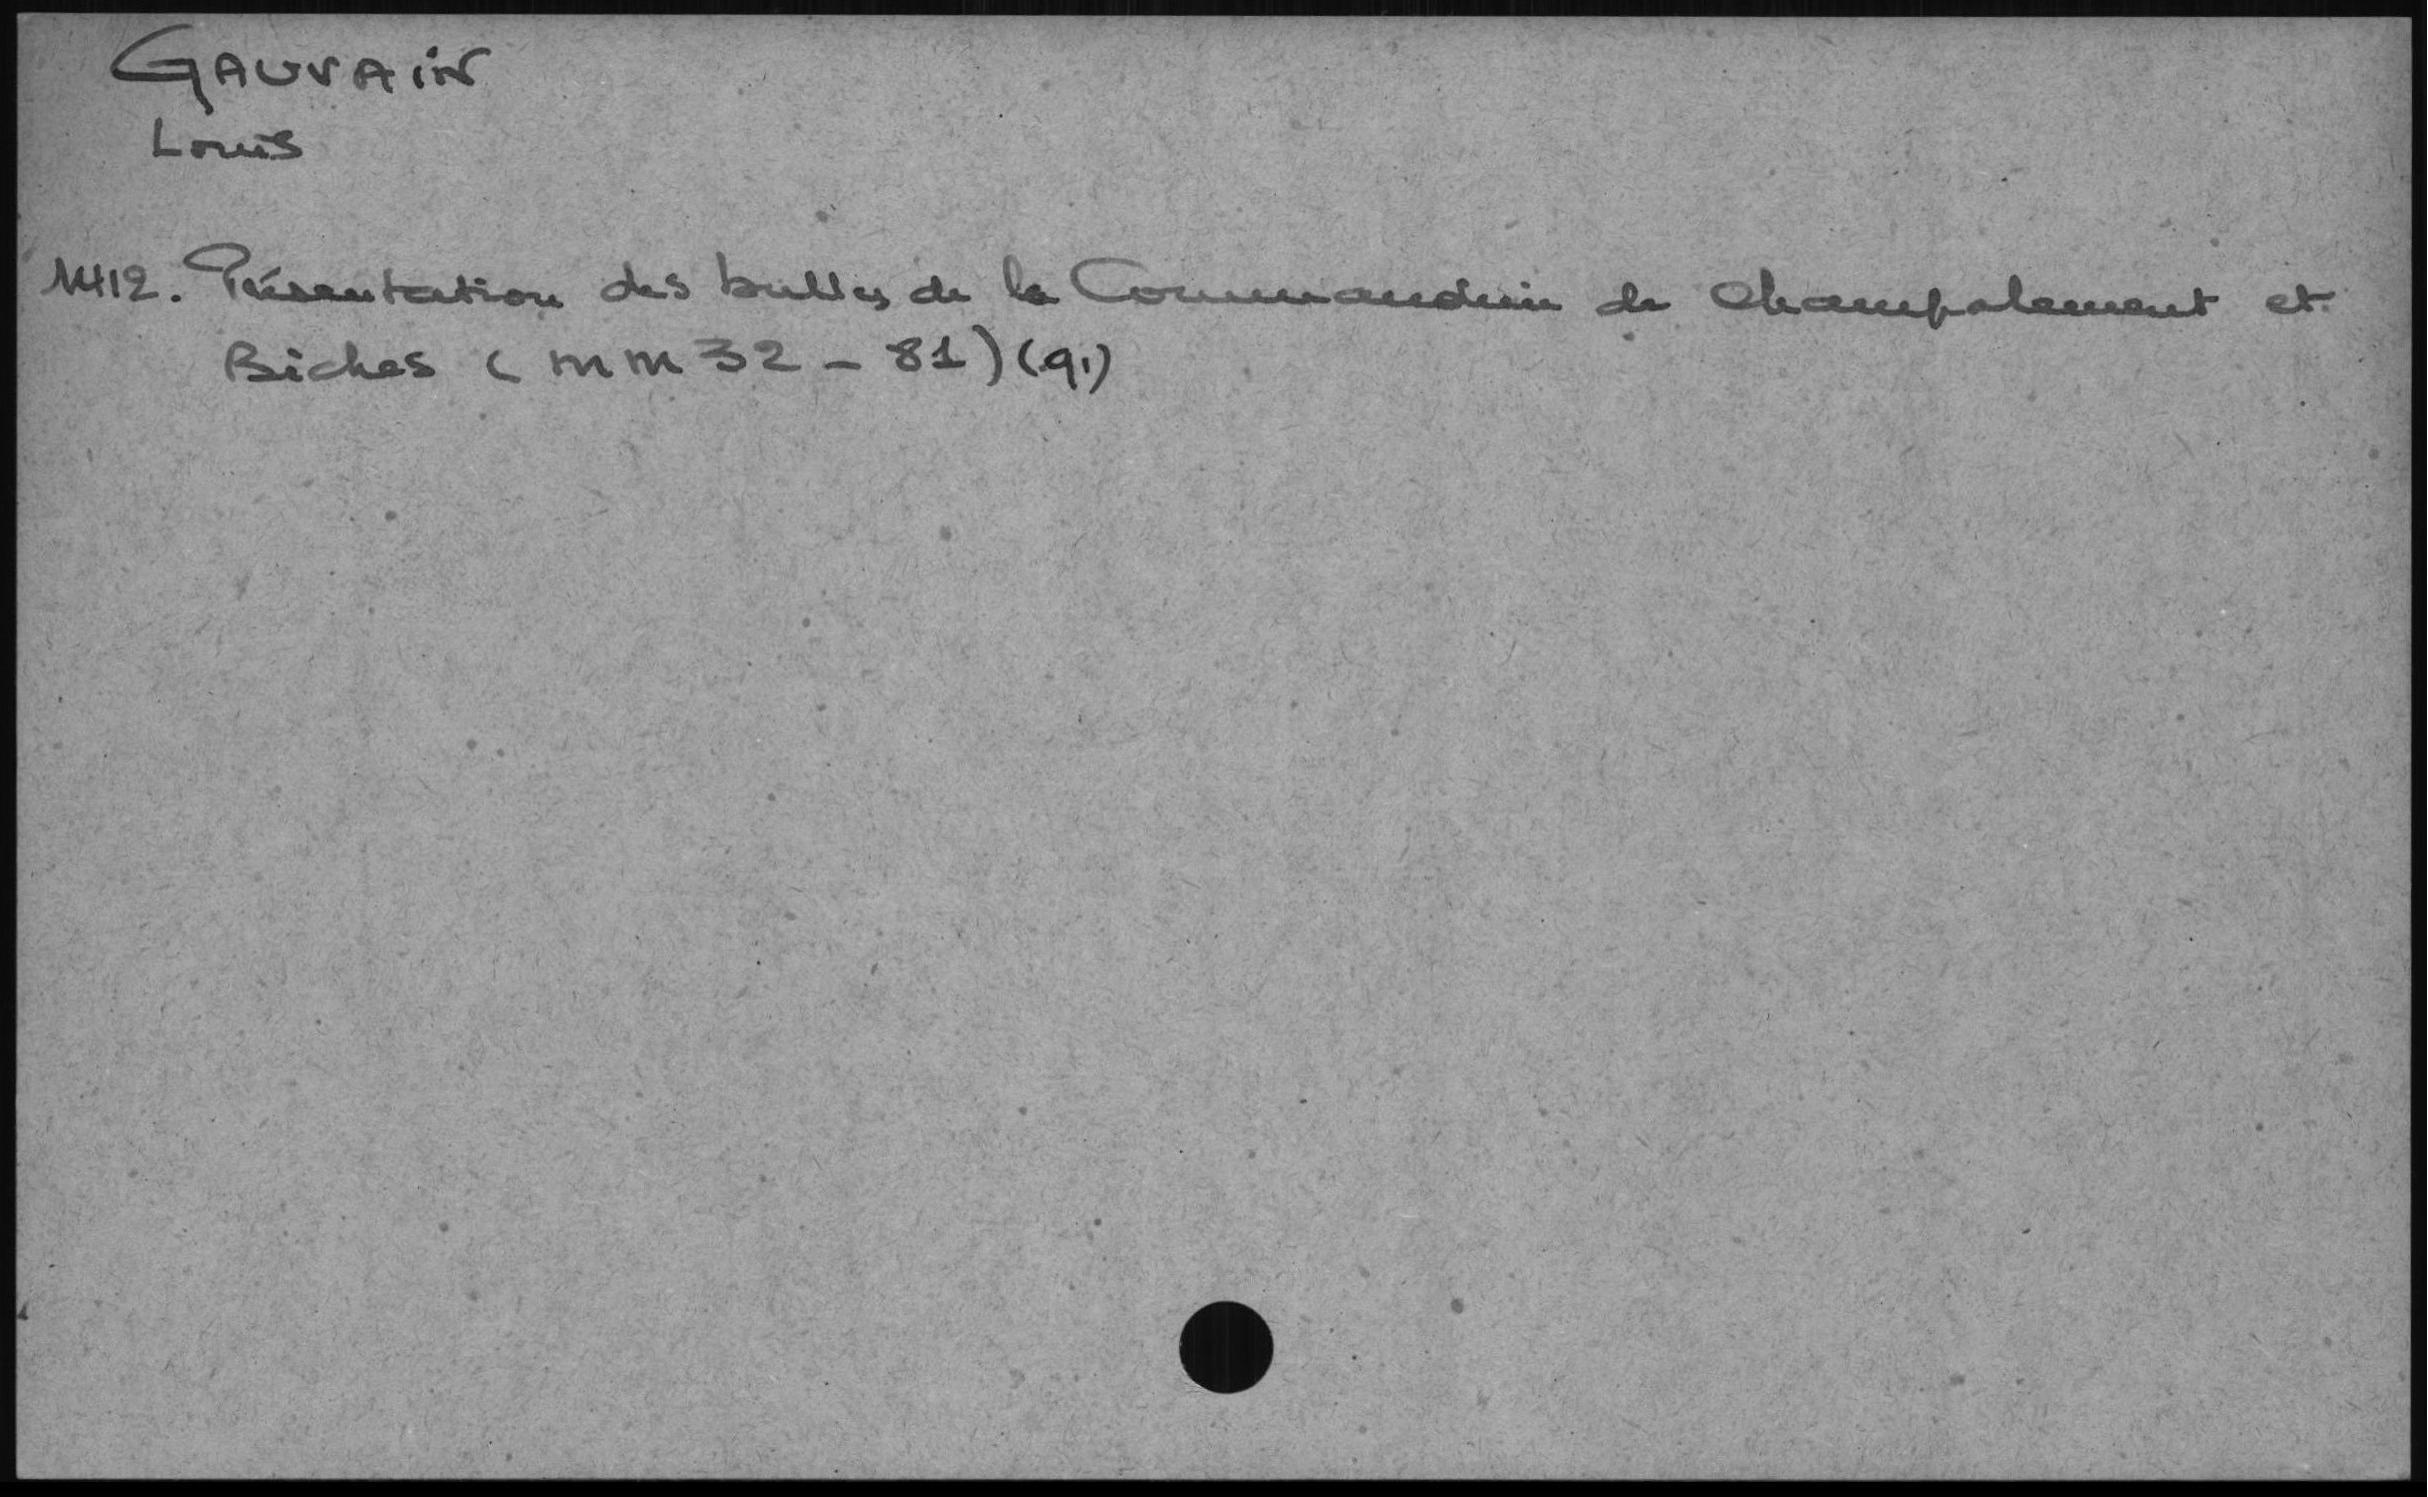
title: GAVAIN, Louis
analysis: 1412. Présentation des bulles de la Commanderie de Champalement et Biches (MM 32, 81) (91)
